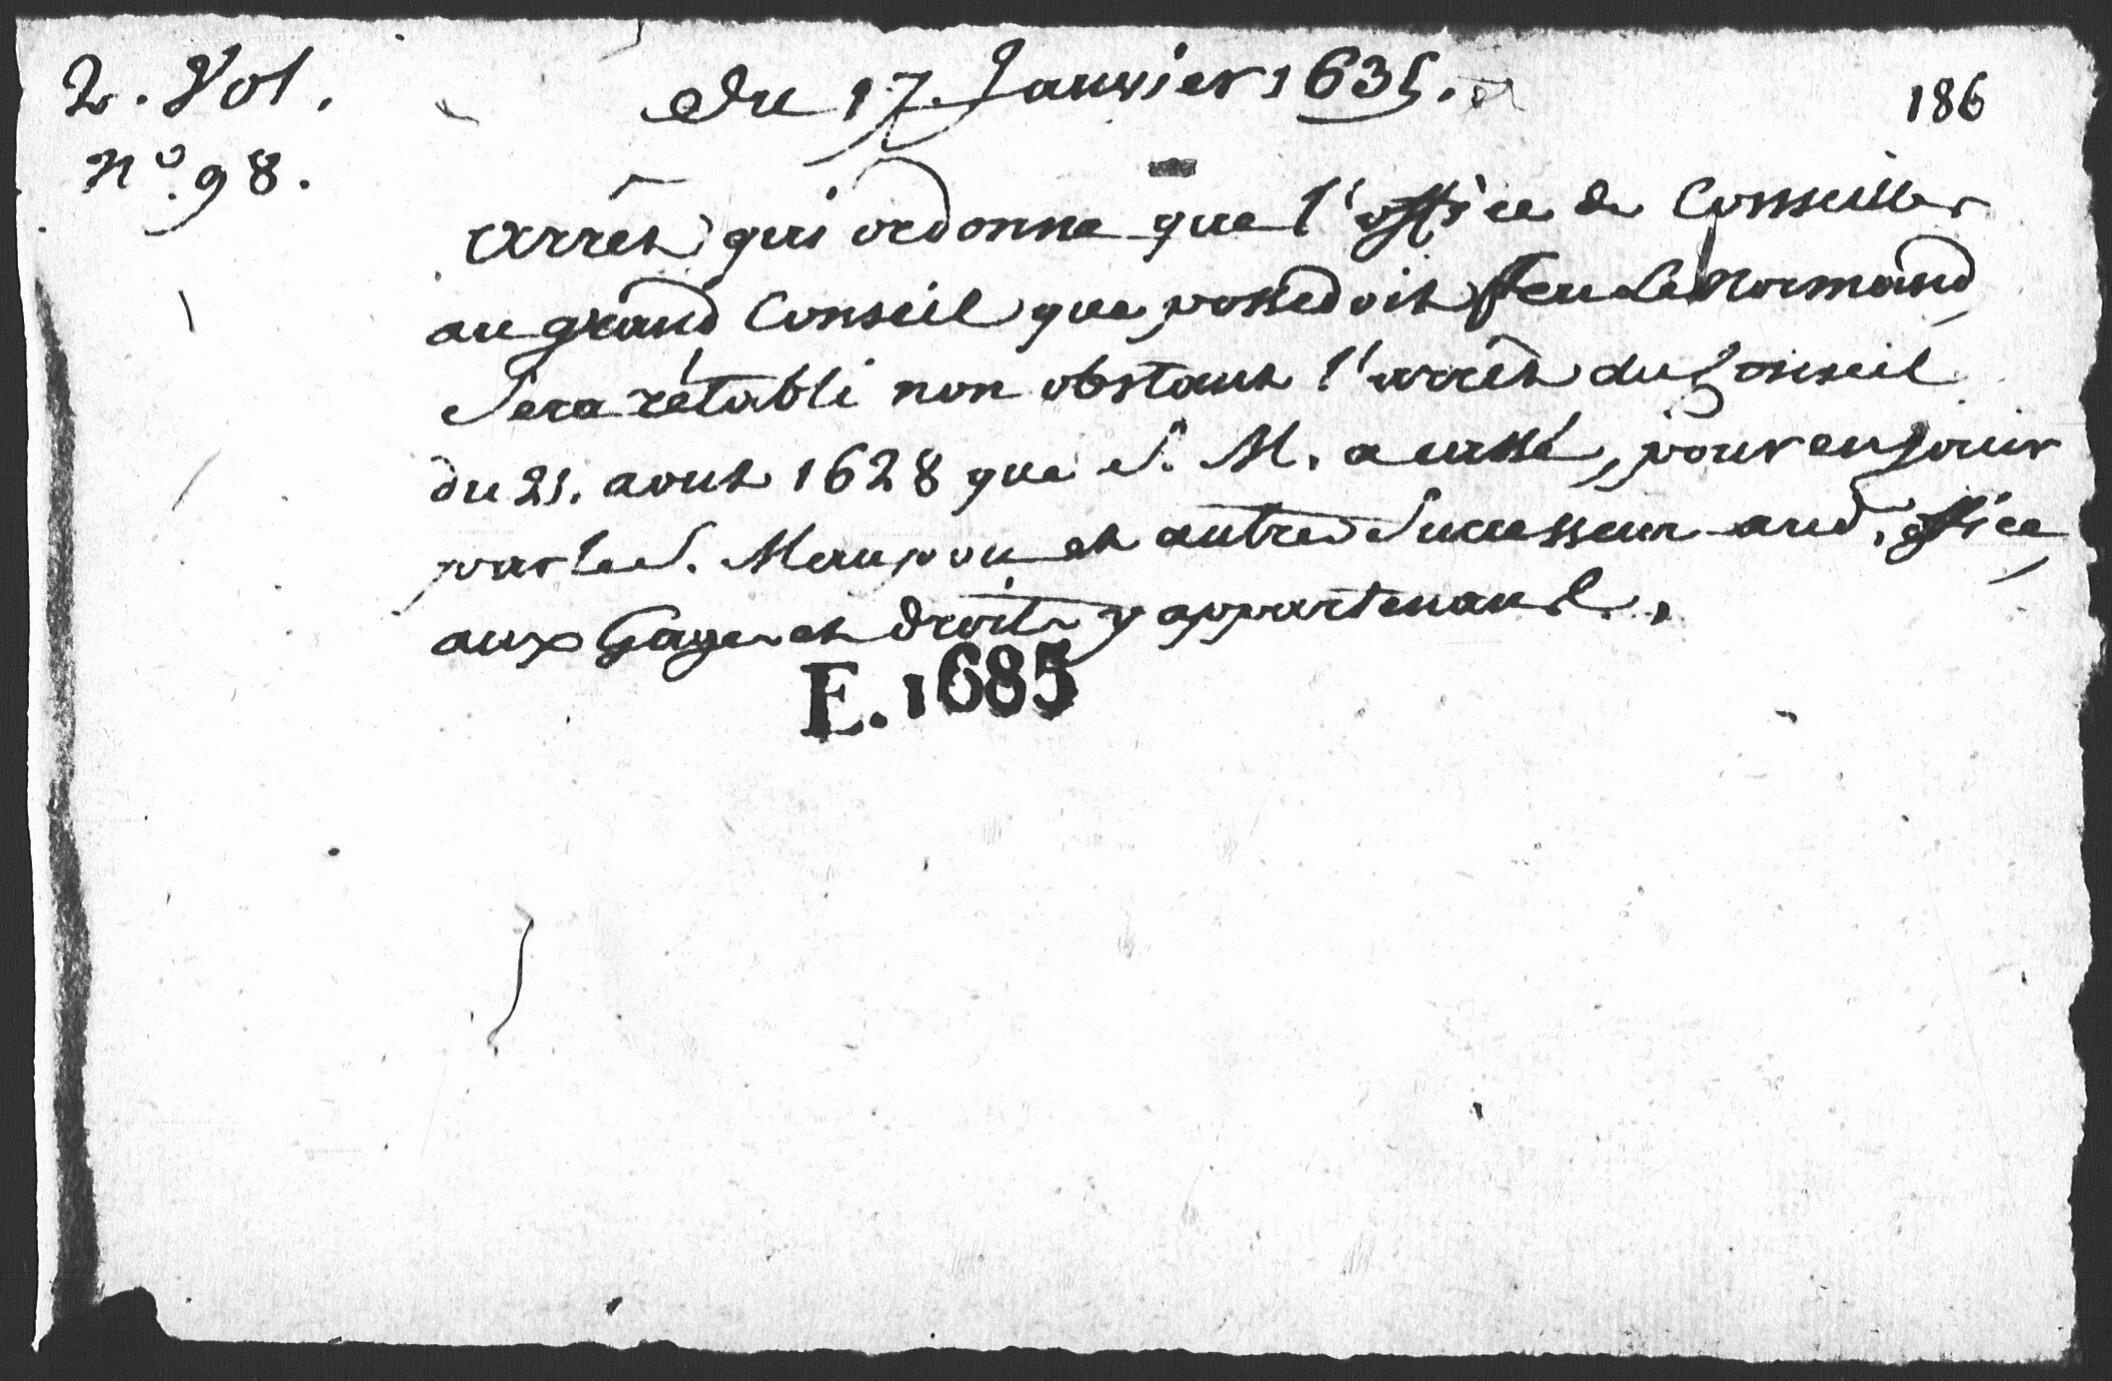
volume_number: n°98
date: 17 janvier 1635
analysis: Arrêt qui ordonne que l'office de conseiller au grand conseil que possedoit feu Lenormand sera rétabli non obstant l'arrêt du Conseil du 21. août 1628 que S. M. a cassé, pour en jouir par le S. Maupou et autres successeurs aud. office aux gages et droits y appartenans.
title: E
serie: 1685
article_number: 2. vol.
